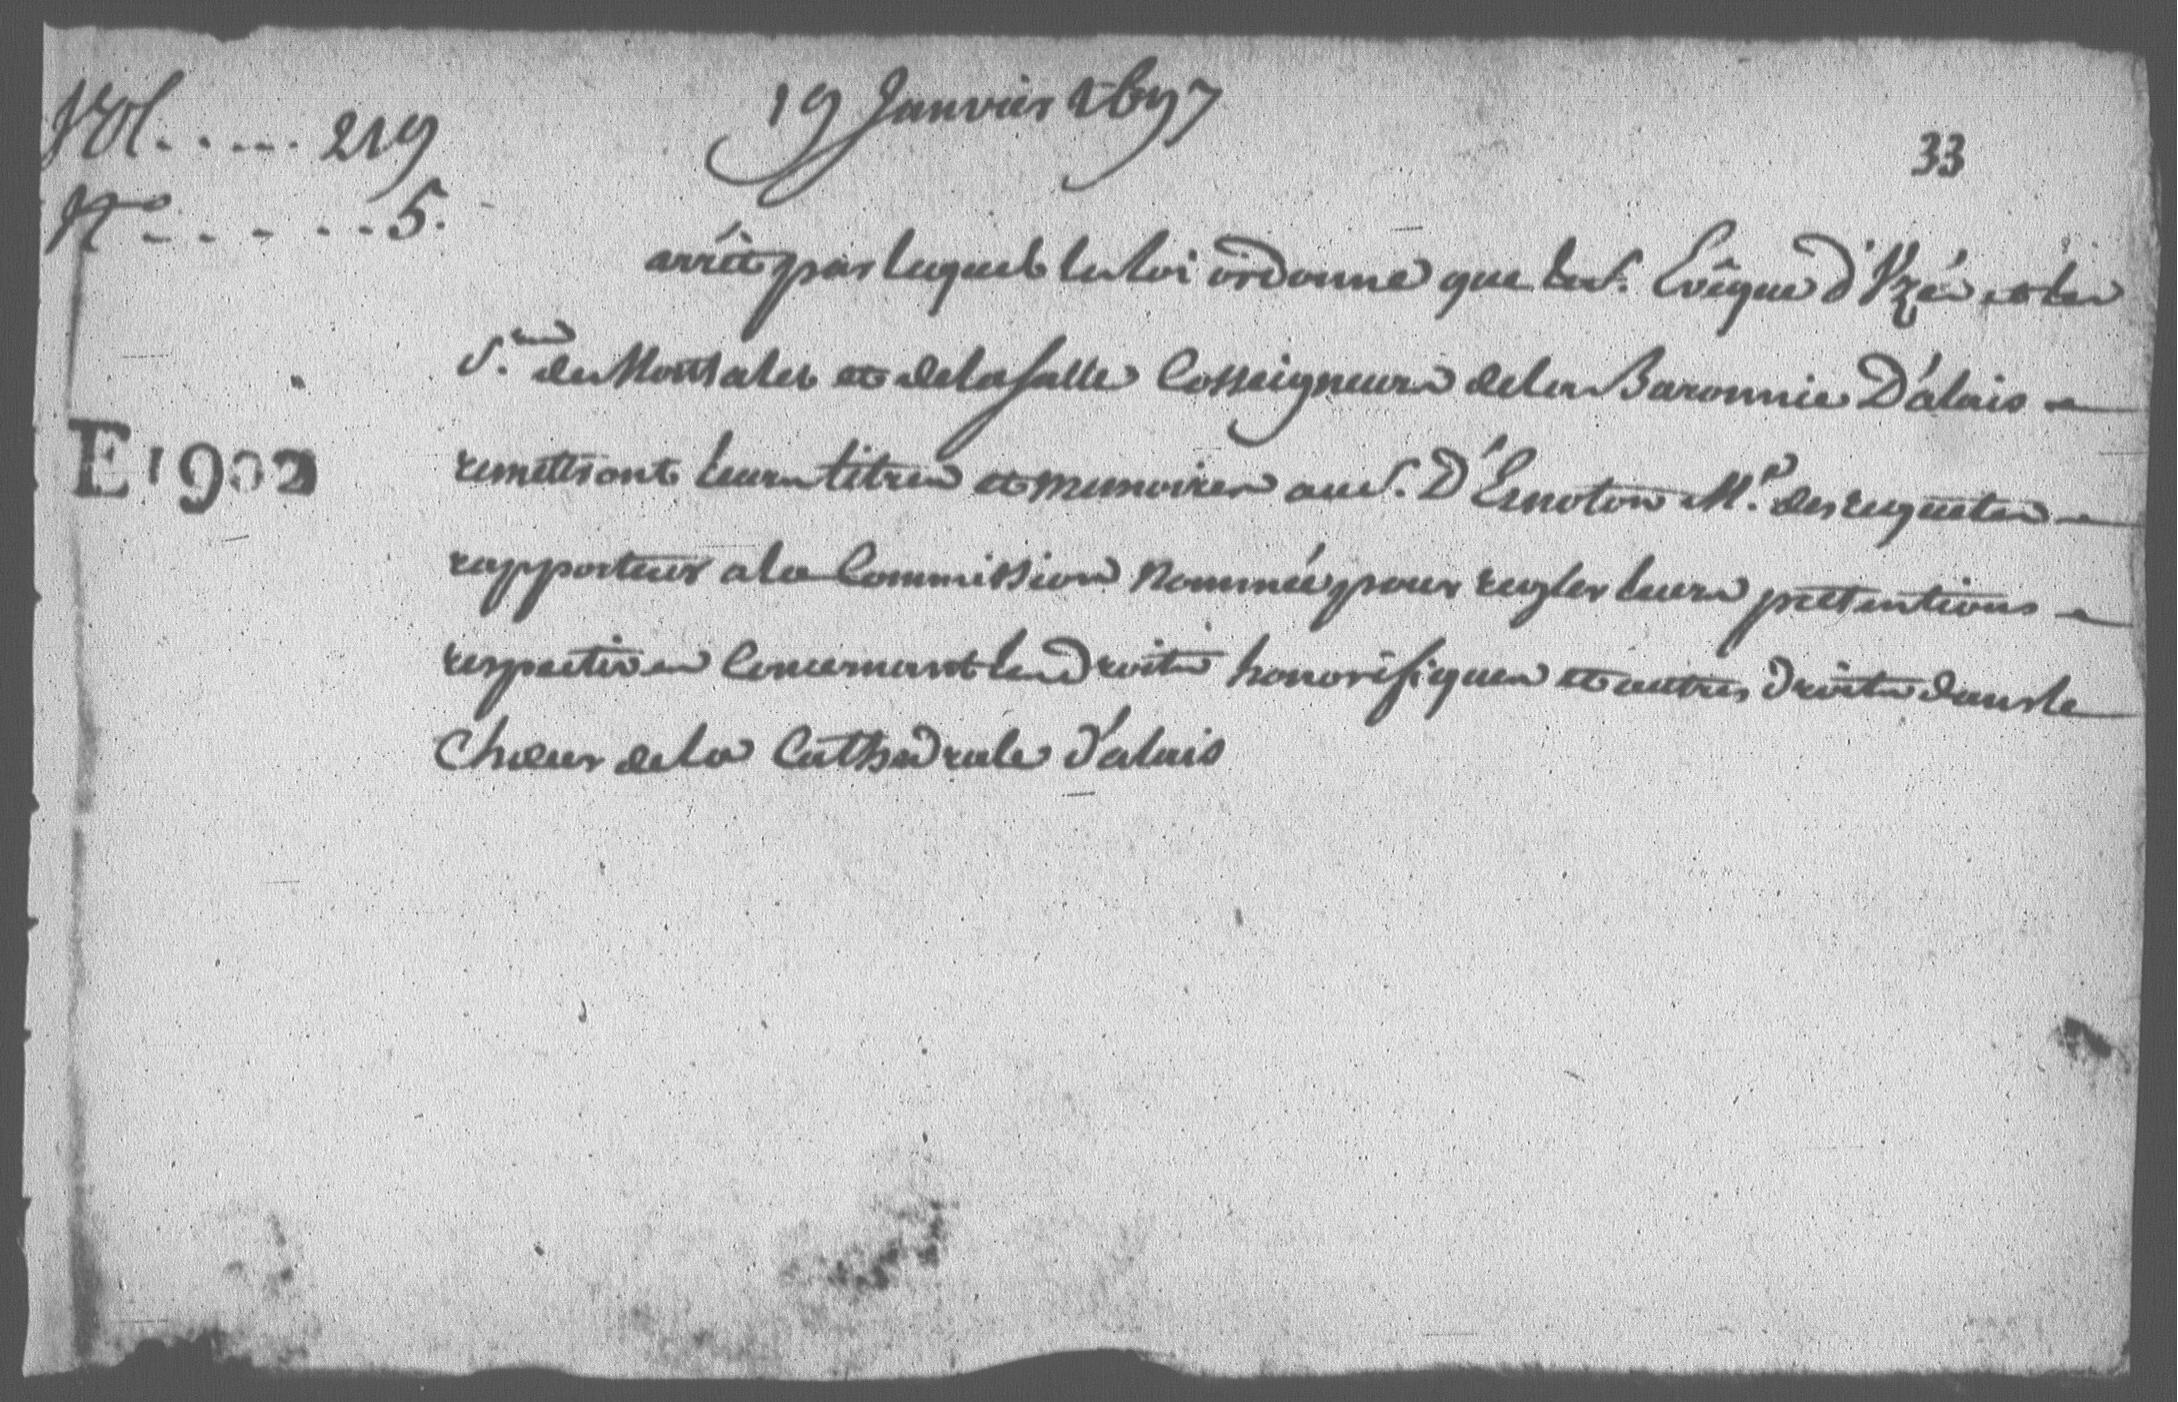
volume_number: n°5
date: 19 janvier 1697
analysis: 33
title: arrêt par lequel le Roi ordonne que le S. Evêque d'Uzès et les S. du Montalet et de la Salle cosseigneurs de la Baronnie d'Alais remettront leurs titres et memoires au S. D'Ernoton M.e des requêtes rapporteur a la Commission nommée pour regler leurs pretentions respectives concernant les droits honorifiques et autres droits dans le choeur de la Cathedrale d'alais
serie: E
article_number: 1902
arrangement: vol. 219
